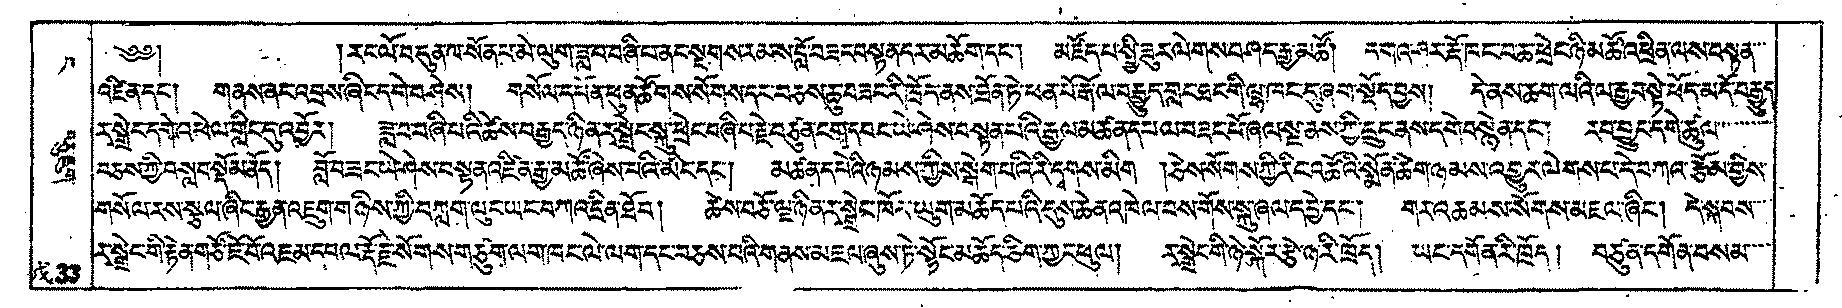༄༅། །རང་ལོ་བདུན་ལ་སོན་པ་མེ་ལུག་ཟླ་བ་བཞི་པ་ནང་སྔགས་རམས་བློ་བཟང་བསྟན་དར་མཆོག་དང་། མཛོད་པ་སྤྱི་ཟུར་ལེགས་བཤད་རྒྱ་མཚོ། དགའ་ཤར་རྡོ་ཁང་པ་ཆ་ཕྲེང་ཉི་མཚོ་འཕྲིན་ལས་བསྟན་
འཛིན་དང་། གནས་ནང་འབྲས་ཞིང་དགེ་བཤེས། གསོལ་དཔོན་ཕུན་ཚོགས་སོགས་དང་བཅས་ཆུ་བཟང་རི་ཁྲོད་ནས་ཐོན་ཏེ་ཕན་པོ་རྒོ་ལ་བརྒྱུད་གླང་ཐང་གི་ལྷ་ཁང་དུ་ཞག་སྡོད་བྱས། དེ་ནས་ཆག་ལའི་ལ་རྒྱབ་སྟེ་ཕོད་མདོ་བརྒྱུད་
རྭ་སྒྲེང་དགེ་འཕེལ་གླིང་དུ་འབྱོར། ཟླ་བ་བཞི་པའི་ཚེས་བརྒྱད་ཉིན་རྭ་སྒྲེང་སྐུ་ཕྲེང་བཞི་པ་རྗེ་བཙུན་ངག་དབང་ཡེ་ཤེས་བསྟན་པའི་རྒྱལ་མཚན་དཔལ་བཟང་པོ་ཞལ་སྔ་ནས་ཀྱི་དྲུང་ནས་དགེ་བསྙེན་དང་། རབ་བྱུང་དགེ་ཚུལ་
བཅས་ཀྱི་བསླབ་སྡོམ་ནོད། བློ་བཟང་ཡེ་ཤེས་བསྟན་འཛིན་རྒྱ་མཚོ་ཞེས་པའི་མིང་དང་། མཚན་དཔེའི་ཉམས་ཀྱིས་སྒེག་པའི་རི་དྭགས་མིག །ཅེས་སོགས་ཀྱི་རིང་འཚོའི་སྨོན་ཚིག་ཉམས་འགྱུར་ལེགས་པ་དེ་བཀའ་རྩོམ་གྱིས་
གསོལ་རས་སྩལ་ཞིང་རྒྱན་འཇུག་གཉིས་ཀྱི་བཀླག་ལུང་ཡང་བཀའ་དྲིན་ཐོབ། ཚེས་བཅོ་ལྔ་ཉིན་རྭ་སྒྲེང་ཁོར་ཡུག་མཆོད་པའི་དུས་ཆེན་འཁེལ་བས་གོས་སྐུ་ཞལ་དབྱེ་དང་། གར་འཆམས་སོགས་མཇལ་ཞིང་། དེ་སྐབས་
རྭ་སྒྲེང་གི་རྟེན་གཙོ་ཇོ་བོ་འཇམ་དཔལ་རྡོ་རྗེ་སོགས་གཙུག་ལག་ཁང་ལེ་ལག་དང་བཅས་པའི་གནས་མཇལ་ཞུས་ཏེ་སྟོང་མཆོད་ཅིག་ཀྱང་ཕུལ། རྭ་སྒྲེང་གི་ཉེ་སྐོར་རྩེ་ཉ་རི་ཁྲོད། ཡང་དགོན་རི་ཁྲོད། བཙུན་དགོན་བསམ་